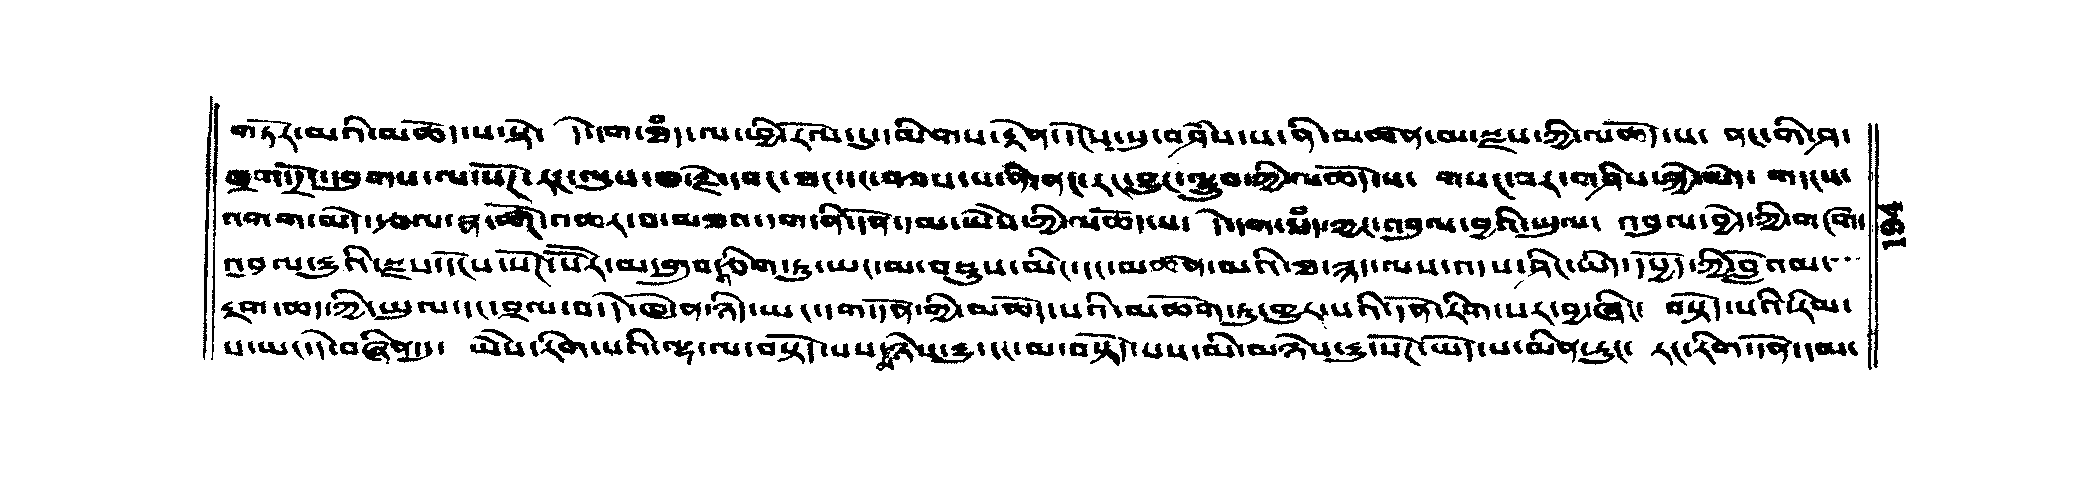གཏོར་མའི་མཆོད་པ་སྟེ། དེ་དག་ཐམས་ཅད་ལ་ཕྱི་རོལ་དུ་དམིགས་རྟེན་དངོས་སུ་བཤམས་པ་ནི་མཚན་མ་རྫས་ཀྱི་མཆོད་པ། ནང་གི་ཤ་
ཁྲག་དྲོད་དབུགས་ལ་སོགས་རང་ལུས་ཁ་རྗེ་དབང་ཐང་དང་བཅས་པ་ནི་ནང་རང་བྱུང་ལྷུན་གྲུབ་ཀྱི་མཆོད་པ། གསང་བ་གཤིས་སྐྱེ་མེད། གདངས་
འགག་མེད་རྩལ་སྣ་ཚོགས་འཆར་བ་མཐའ་དག་ནི་དོན་དམ་ཡེ་ཤེས་ཀྱི་མཆོད་པ། དེ་དག་ཐམས་ཅད་ཀྱང་འབུལ་བྱའི་ཡུལ། འབུལ་བྱེད་ཀྱི་གང་ཟག་
འབུལ་རྒྱུའི་རྫས་དངོས་སོགས་སོ་སོར་མ་གྲུབ་གཅིག་ཏུ་ཡང་མ་བསྡུས་མིང་དང་མཚན་མའི་ཐ་སྙད་ལས་འདས་ཤིང་ཡིད་དཔྱོད་ཀྱི་བློའམ་
རྟག་ཆད་ཀྱི་ཡུལ་དང་བྲལ་བ་དེ་ཁོ་ན་ཉིད་ཡང་དག་དོན་གྱི་མཆོད་པའི་མཆོག་ཏུ་གྱུར་པའི་དོན་རིག་པར་བྱ་ཞིང་། བསྟོད་པའི་རིམ་པ་
ཡང་དེ་བཞིན་དུ། ཡེ་ཤེས་རིག་པའི་ལྷ་ལ་བསྟོད་པས་མཉེས་རྒྱུ་དང་མ་བསྟོད་པས་མི་མཉེས་རྒྱུ་སོགས་ཡོད་པ་མིན་རུང་། རང་རིག་དོན་དམ་